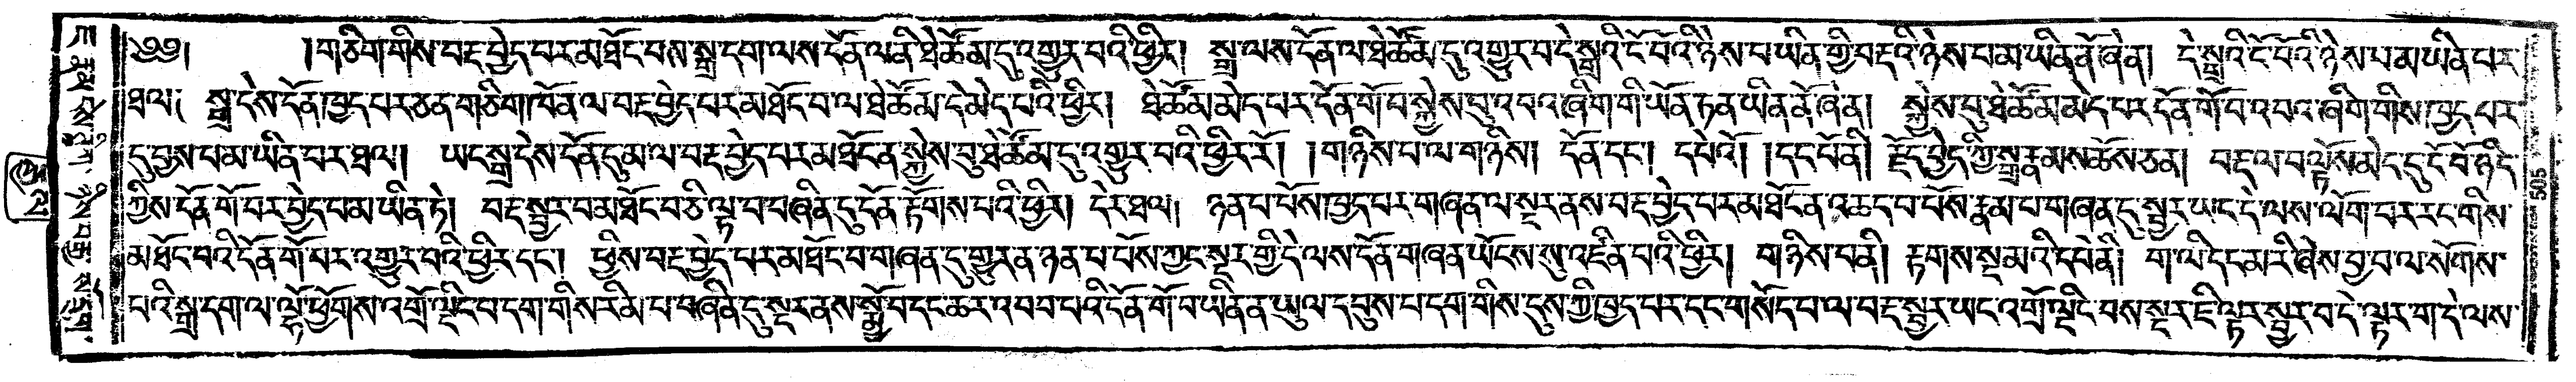༄༅། །གཅིག་གིས་བརྡ་བྱེད་པར་མཐོང་བས་སྒྲ་དག་ལས་དོན་ལ་ནི་ཐེ་ཚོམ་དུ་འགྱུར་བའི་ཕྱིར། སྒྲ་ལས་དོན་ལ་ཐེ་ཚོམ་དུ་འགྱུར་བ་དེ་སྒྲའི་ངོ་བོའི་ཉེས་པ་ཡིན་གྱི་བརྡའི་ཉེས་པ་མ་ཡིན་ནོ་ཞེ་ན། དེ་སྒྲའི་ངོ་བོའི་ཉེས་པ་མ་ཡིན་པར་
ཐལ། སྒྲ་དེས་དོན་ཁྱད་པར་ཅན་གཅིག་ཁོ་ན་ལ་བརྡ་བྱེད་པར་མཐོང་བ་ལ་ཐེ་ཚོམ་དེ་མེད་པའི་ཕྱིར། ཐེ་ཚོམ་མེད་པར་དོན་གོ་བ་སྐྱེས་བུ་འབའ་ཞིག་གི་ཡོན་ཏན་ཡིན་ནོ་ཞེ་ན། སྐྱེས་བུ་ཐེ་ཚོམ་མེད་པར་དོན་གོ་བ་འབའ་ཞིག་གིས་ཁྱད་པར་
དུ་བྱས་པ་མ་ཡིན་པར་ཐལ། ཡང་སྒྲ་དེས་དོན་དུ་མ་ལ་བརྡ་བྱེད་པར་མཐོང་ན་སྐྱེས་བུ་ཐེ་ཚོམ་དུ་འགྱུར་བའི་ཕྱིར་རོ། །གཉིས་པ་ལ་གཉིས། དོན་དང་། དཔེའོ། །དང་པོ་ནི། རྗོད་བྱེད་ཀྱི་སྒྲ་རྣམས་ཆོས་ཅན། བརྡ་ལ་བལྟོས་མེད་དུ་ངོ་བོ་ཉིད་
ཀྱིས་དོན་གོ་བར་བྱེད་པ་མ་ཡིན་ཏེ། བརྡ་སྦྱར་བ་མཐོང་བ་ཅི་ལྟ་བ་བཞིན་དུ་དོན་རྟོགས་པའི་ཕྱིར། དེར་ཐལ། ཉན་པ་པོས་ཁྱད་པར་གཞན་ལ་སྔར་ནས་བརྡ་བྱེད་པར་མཐོང་ན་འཆད་པ་པོས་རྣམ་པ་གཞན་དུ་སྦྱར་ཡང་དེ་ལས་ལོག་པར་རང་གིས་
མཐོང་བའི་དོན་གོ་བར་འགྱུར་བའི་ཕྱིར་དང་། ཕྱིས་བརྡ་བྱེད་པར་མཐོང་བ་གཞན་དུ་གྱུར་ན་ཉན་པ་པོས་ཀྱང་སྔར་གྱི་དེ་ལས་དོན་གཞན་ཡོངས་སུ་འཛིན་པའི་ཕྱིར། གཉིས་པ་ནི། རྟགས་སྔ་མའི་དཔེ་ནི། ག་ལི་དང་མ་རི་ཞེས་བྱ་བ་ལ་སོགས་
པའི་སྒྲ་དག་ལ་ལྷོ་ཕྱོགས་འགྲོ་ལྡིང་བ་དག་གིས་རིམ་པ་བཞིན་དུ་སྔར་ནས་སྨྱོ་བ་དང་ཆར་འབབ་པའི་དོན་གོ་བ་ཡིན་ན་ཡུལ་དབུས་པ་དག་གིས་དུས་ཀྱི་ཁྱད་པར་དང་གསོད་པ་ལ་བརྡ་སྦྱར་ཡང་འགྲོ་ལྡིང་བས་སྔར་ཇི་ལྟར་སྦྱར་བ་དེ་ལྟར་ག་དེ་ལས་